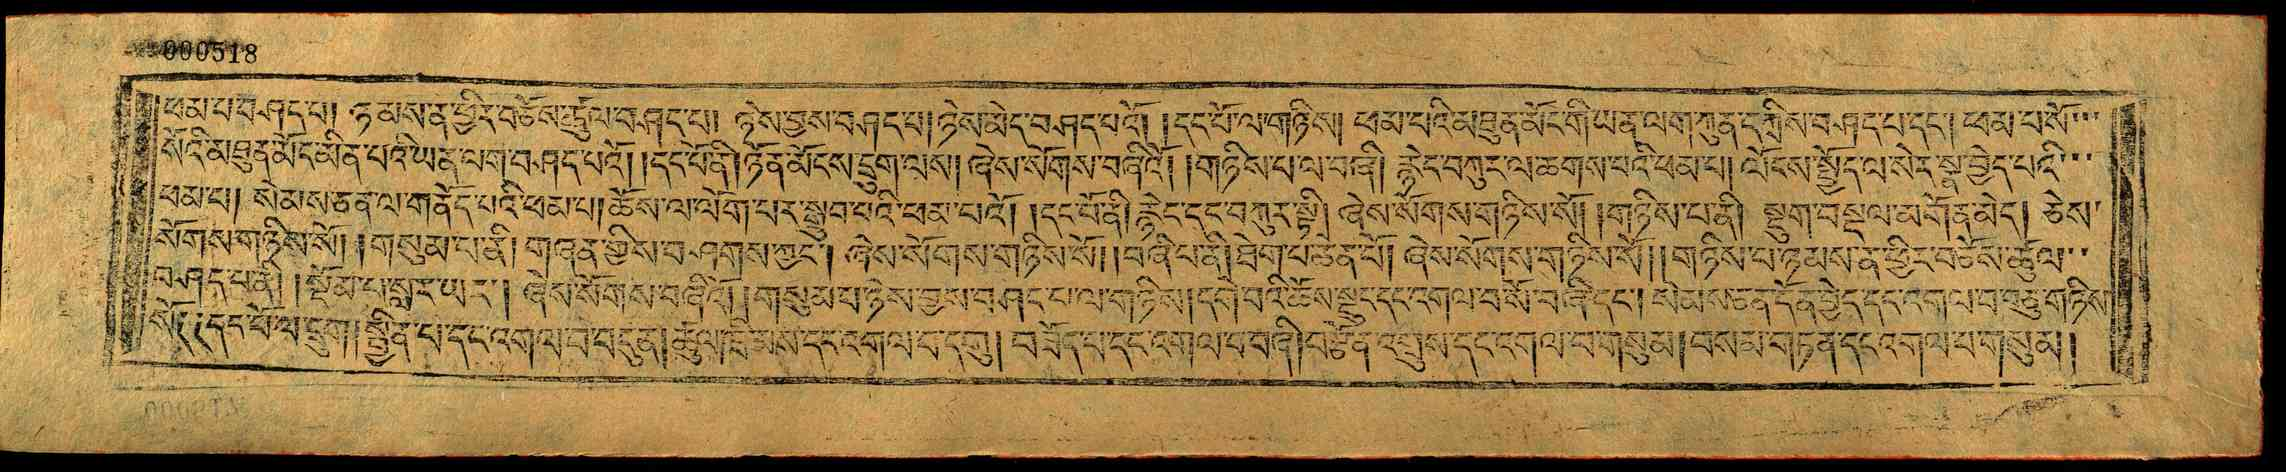ཕམ་པ་བཤད་པ། ཉམས་ན་ཕྱིར་བཅོས་ཚུལ་བཤད་པ། ཉེས་བྱས་བཤད་པ། ཉེས་མེད་བཤད་པའོ། །དང་པོ་ལ་གཉིས། ཕམ་པའི་མཐུན་མོང་གི་ཡན་ལག་ཀུན་དཀྲིས་བཤད་པ་དང་། ཕམ་པ་སོ་
སོའི་མཐུན་མོང་མིན་པའི་ཡན་ལག་བཤད་པའོ། །དང་པོ་ནི། ཉོན་མོངས་དྲག་ལས། ཞེས་སོགས་བཞིའོ། །གཉིས་པ་ལ་བཞི། རྙེད་བཀུར་ལ་ཆགས་པའི་ཕམ་པ། ལོངས་སྤྱོད་ལ་སེར་སྣ་བྱེད་པའི་
ཕམ་པ། སེམས་ཅན་ལ་གནོད་པའི་ཕམ་པ། ཆོས་ལ་ལོག་པར་སྒྲུབ་པའི་ཕམ་པའོ། །དང་པོ་ནི། རྙེད་དང་བཀུར་སྟི། ཞེས་སོགས་གཉིས་སོ། །གཉིས་པ་ནི། སྡུག་བསྔལ་མགོན་མེད། ཅེས་
སོགས་གཉིས་སོ། །གསུམ་པ་ནི། གཞན་གྱིས་བཤགས་ཀྱང་། ཞེས་སོགས་གཉིས་སོ། །བཞི་པ་ནི། ཐེག་པ་ཆེན་པོ། ཞེས་སོགས་གཉིས་སོ། །གཉིས་པ་ཉམས་ན་ཕྱིར་བཅོས་ཚུལ་
བཤད་པ་ནི། །སྡོམ་པ་སླར་ཡང་། ཞེས་སོགས་བཞིའོ། །གསུམ་པ་ཉེས་བྱས་བཤད་པ་ལ་གཉིས། དགེ་བའི་ཆོས་སྡུད་དང་འགལ་བ་སོ་བཞི་དང་། སེམས་ཅན་དོན་བྱེད་དང་འགལ་བ་བཅུ་གཉིས་
སོ། །དང་པོ་ལ་དྲུག། སྦྱིན་པ་དང་འགལ་བ་བདུན། ཚུལ་ཁྲིམས་དང་འགལ་བ་དགུ། བཟོད་པ་དང་འགལ་བ་བཞི། བརྩོན་འགྲུས་དང་འགལ་བ་གསུམ། བསམ་གཏན་དང་འགལ་བ་གསུམ།